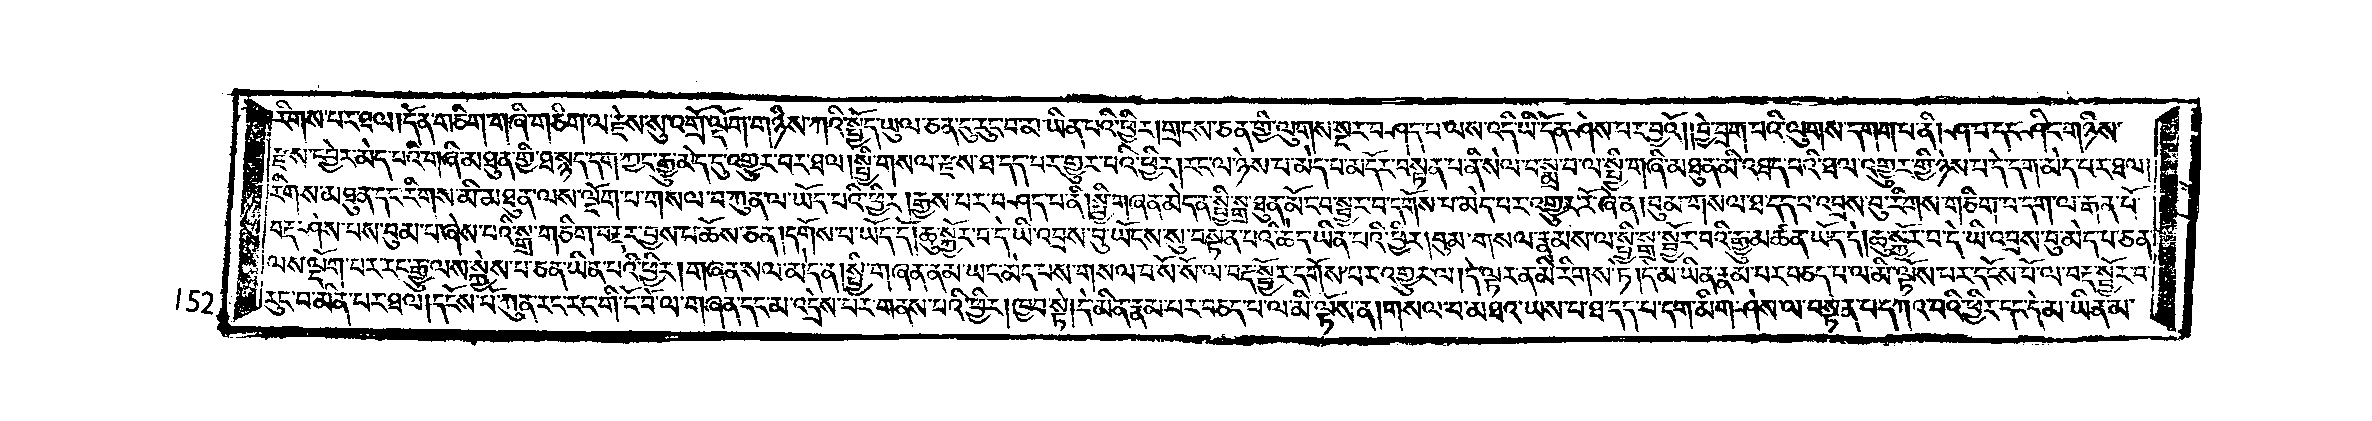རིགས་པར་ཐལ། དོན་གཅིག་གཞི་གཅིག་ལ་རྗེས་སུ་འགྲོ་ལྡོག་གཉིས་ཀའི་སྤྱོད་ཡུལ་ཅན་དུ་རུང་བ་མ་ཡིན་པའི་ཕྱིར། གྲངས་ཅན་གྱི་ལུགས་སྔར་བཤད་པ་ལས་འདི་ཡི་དོན་ཤེས་པར་བྱའོ། །བྱེ་བྲག་པའི་ལུགས་དགག་པ་ནི། ཤ་པ་དང་ཤིང་གཉིས་
རྫས་དབྱེར་མེད་པའི་གཞི་མཐུན་གྱི་ཐ་སྙད་དག་ཀྱང་རྒྱུ་མེད་དུ་འགྱུར་བར་ཐལ། སྤྱི་གསལ་རྫས་ཐ་དད་པར་གྱུར་པའི་ཕྱིར། རང་ལ་ཉེས་པ་མེད་པ་མདོར་བསྟན་པ་ནི་སེལ་བ་སྨྲ་བ་ལ་སྤྱི་གཞི་མཐུན་མི་འཐད་པའི་ཐལ་འགྱུར་གྱི་ཉེས་པ་དེ་དག་མེད་པར་ཐལ།
རིགས་མཐུན་དང་རིགས་མི་མཐུན་ལས་ལྡོག་པ་གསལ་བ་ཀུན་ལ་ཡོད་པའི་ཕྱིར་།རྒྱས་པར་བཤད་པ་ནི། སྤྱི་གཞན་མེད་ན་སྤྱི་སྒྲ་ཐུན་མོང་བ་སྦྱར་བ་དགོས་པ་མེད་པར་འགྱུར་རོ་ཞེ་ན། བུམ་གསལ་ཐ་དད་པ་འབྲས་བུ་རིགས་གཅིག་པ་དག་ལ་རྒན་པོ་
བརྡ་ཤེས་པས་བུམ་པ་ཞེས་པའི་སྒྲ་གཅིག་བརྡར་བྱས་པ་ཆོས་ཅན། དགོས་པ་ཡོད་དོ། ཆུ་སྐྱོར་བ་དེ་ཡི་འབྲས་བུ་ཡོངས་སུ་བསྟན་པའི་ཆེད་ཡིན་པའི་ཕྱིར། བུམ་གསལ་རྣམས་ལ་སྤྱི་སྒྲ་སྦྱོར་བའི་རྒྱུ་མཚན་ཡོད་དེ། ཆུ་སྐྱོར་བ་དེ་ཡི་འབྲས་བུ་མེད་པ་ཅན་
ལས་ལྡོག་པར་རང་རྒྱུ་ལས་སྐྱེས་པ་ཅན་ཡིན་པའི་ཕྱིར། གཞན་སེལ་མེད་ན། སྤྱི་གཞན་ནམ་ཡང་མེད་པས་གསལ་བ་སོ་སོ་ལ་བརྡ་སྦྱོར་དགོས་པར་འགྱུར་ལ། དེ་ལྟར་ན་མི་རིགས་ཏེ་དེ་མ་ཡིན་རྣམ་པར་བཅད་པ་ལ་མི་ལྟོས་པར་དངོས་པོ་ལ་བརྡ་སྦྱོར་བ་ཨི་
རུང་བ་མིན་པར་ཐལ། དངོས་པོ་ཀུན་རང་རང་གི་ངོ་བོ་ལ་གཞན་དང་མ་འདྲེས་པར་གནས་པའི་ཕྱིར། ཁྱབ་སྟེ། དེ་མིན་རྣམ་པར་བཅད་པ་ལ་མི་ལྟོས་ན། གསལ་བ་མཐའ་ཡས་པ་ཐ་དད་པ་དག་མིག་ཤེས་ལ་བསྟན་པ་དཀའ་བའི་ཕྱི་